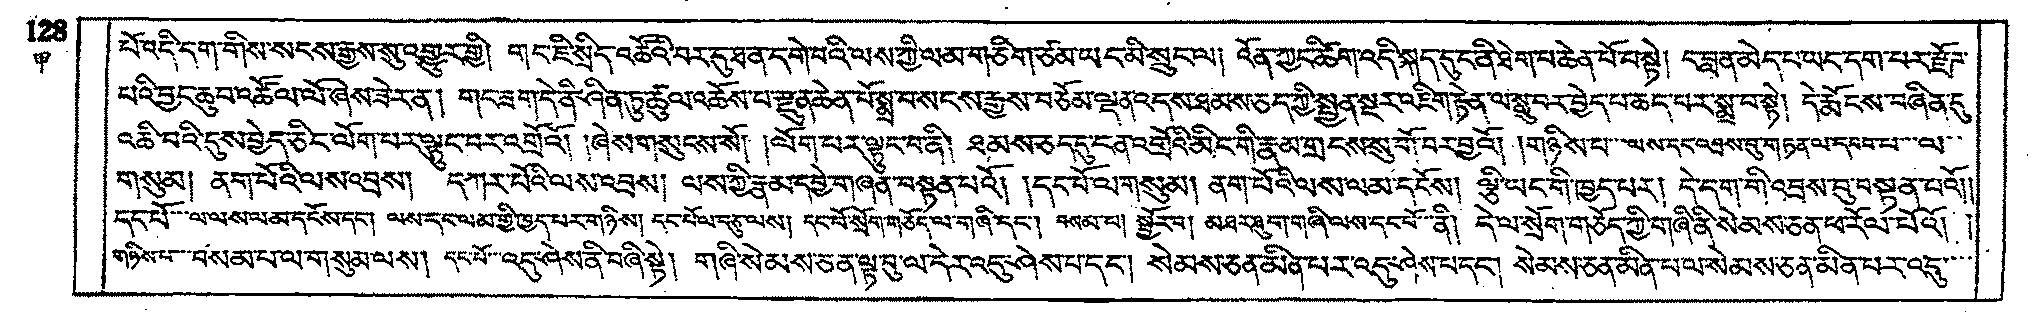པོ་འདི་དག་གིས་སངས་རྒྱས་སུ་འགྱུར་གྱི། གང་ཇི་སྲིད་འཚོའི་བར་དུ་ཐ་ན་དགེ་བའི་ལས་ཀྱི་ལམ་གཅིག་ཙམ་ཡང་མི་སྲུང་ལ། འོན་ཀྱང་ཚིག་འདི་སྐད་དུ་བ་ནི་ཐེག་པ་ཆེན་པོ་སྟེ། ང་བླ་ན་མེད་པ་ཡང་དག་པར་རྫོཌ་
པའི་བྱང་ཆུབ་འཚོལ་ལོ་ཞེས་ཟེར་ན། གང་ཟག་དེ་ནི་ཤིན་ཏུ་ཚུལ་འཆོས་པ་རྫུན་ཆེན་པོ་སྨྲ་བ་སངས་རྒྱས་བཅོམ་ལྡན་འདས་ཐམས་ཅད་ཀྱི་སྤྱན་སྔར་འཇིག་རྟེན་ལ་སླུ་བར་བྱེད་པ་ཆད་པར་སྨྲ་བ་སྟེ། དེ་རྨོངས་བཞིན་དུ་
འཆི་བའི་དུས་བྱེད་ཅིང་ལོག་པར་ལྟུང་བར་འགྲོའོ། །ཞེས་གསུངས་སོ། །ལོག་པར་ལྟུང་བ་ནི། ཐམས་ཅད་དུ་ངན་འགྲོའི་མིང་གི་རྣམ་གྲངས་སུ་གོ་བར་བྱའོ། །གཉིས་པལས་དང་འབྲས་བུ་གཏན་ལ་དབབ་པལ་
གསུམ། ནག་པོའི་ལས་འབྲས། དཀར་པོའི་ལས་འབྲས། ལས་ཀྱི་རྣམ་དབྱེ་གཞན་བསྟན་པའོ། །དང་པོ་ལ་གསུམ། ནག་པོའི་ལས་ལམ་དངོས། ལྕི་ཡང་གི་ཁྱད་པར། དེ་དག་གི་འབྲས་བུ་བསྟན་པའོ། །
དང་པོལ་ལས་ལམ་དངོས་དང་། ལས་དང་ལམ་གྱི་ཁྱད་པར་གཉིས། དང་པོ་ལ་བཅུ་ལས། དང་པོ་སྲོག་གཅོད་ལ་གཞི་དང་། བསམ་པ། སྦྱོར་བ། མཐར་ཐུག་གཞི་ལས་དང་པོནི། དེ་ལ་སྲོག་གཅོད་ཀྱི་གཞི་ནི་སེམས་ཅན་ཕ་རོལ་པོའོ། །
གཉིས་པབསམ་པ་ལ་གསུམ་ལས། དང་པོའདུ་ཤེས་ནི་བཞི་སྟེ། གཞི་སེམས་ཅན་ལྟ་བུ་ལ་དེར་འདུ་ཤེས་པ་དང་། སེམས་ཅན་མིན་པར་འདུ་ཤེས་པ་དང་། སེམས་ཅན་མིན་པ་ལ་སེམས་ཅན་མིན་པར་འདུ་